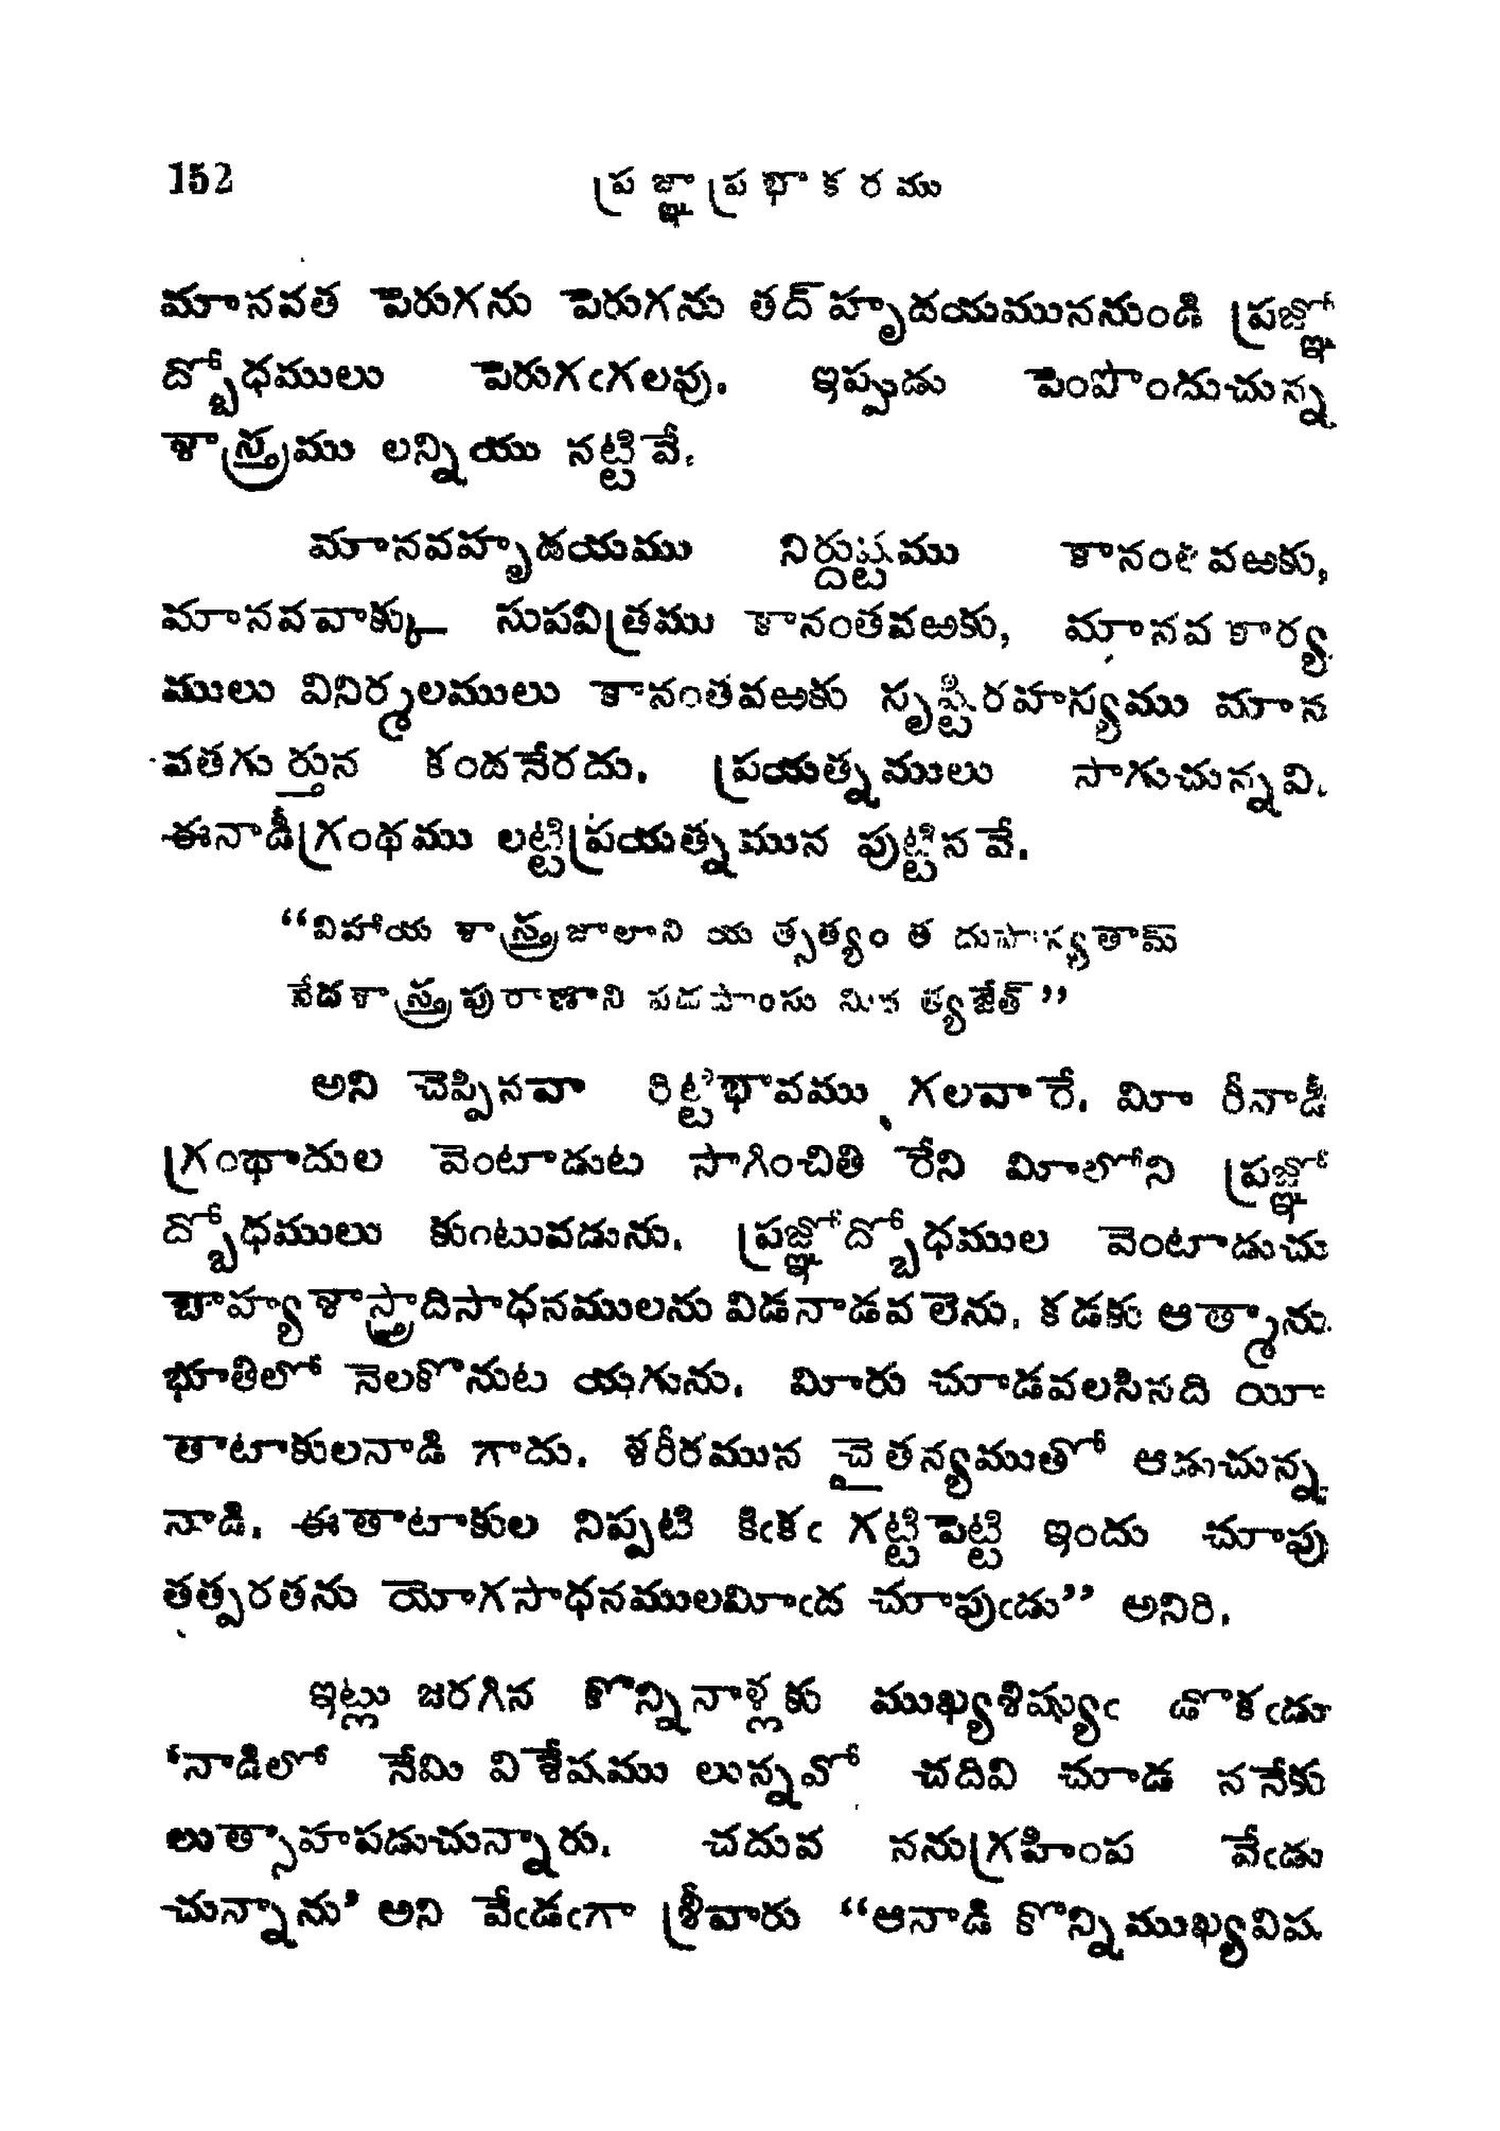మానవత పెరుగను పెరుగను తద్ హృదమున నుండి ప్రజ్ఞోద్బోధములు పెరుగఁగలవు.ఇప్పుడు పెంపొందుచున్న శాస్త్రము లన్నియు నట్టివే.

 మానవహృదయము నిర్దుష్టము కానంతవఱకు, మానవ వాక్కు సుపవిత్రము కానంతవఱకు, మానవ కార్యములు వినిర్మలములు కానంతవఱకు సృష్టిరహస్యము మానవత గుర్తున కంద నేరదు. ప్రయత్నములు సాగుచున్నవి. ఈనాడీ గ్రంధము లట్టిప్రయత్నమున పుట్టినవే.

 "విహాయ శాస్త్రజాలాని యత్సత్యంత దుపాస్యతామ్ 
 వేద శాస్త్రపురాణాని పదపాంసు మివ త్యజేత్" 

 అని చెప్పిన వారిట్టిభావము గలవారే. మి రీనాడీ గ్రంధాదులు వెంటాడుట సాగించితి రేని మిలోని ప్రజ్ఞోద్బోధములు కుంటువడును. ప్రజ్ఞోద్బోధముల వెంటాడుచు బాహ్య శాస్త్రాది సాధనములను విడనాడ వలెను. కడకు ఆత్మానుభూతిలో నెలకొనుట యగును. మిరు చూడవలసినది యీ తాటాకుల నాడీ గాదు. శరీరము చైతన్యముతో ఆడుచున్న నాడి. ఈ తాటాకుల నిప్పటికిఁకఁ గట్టిపెట్టి ఇందు చూపు తత్పరతను యోగసాధనములమిఁద చూపుఁడు"అనిరి. 

 ఇట్లు జరిగిన కొన్నినాళ్ళకు ముఖ్యశిష్యుఁ డొకఁడు 'నాడిలో నేమి విశేషము లున్నవో చదివి చూడ ననేకలుత్సాహపడుచున్నారు. చదువ ననుగ్రహింప వేఁడఁగా శ్రీవారు "ఆ నాడి కొన్ని ముఖ్య విష